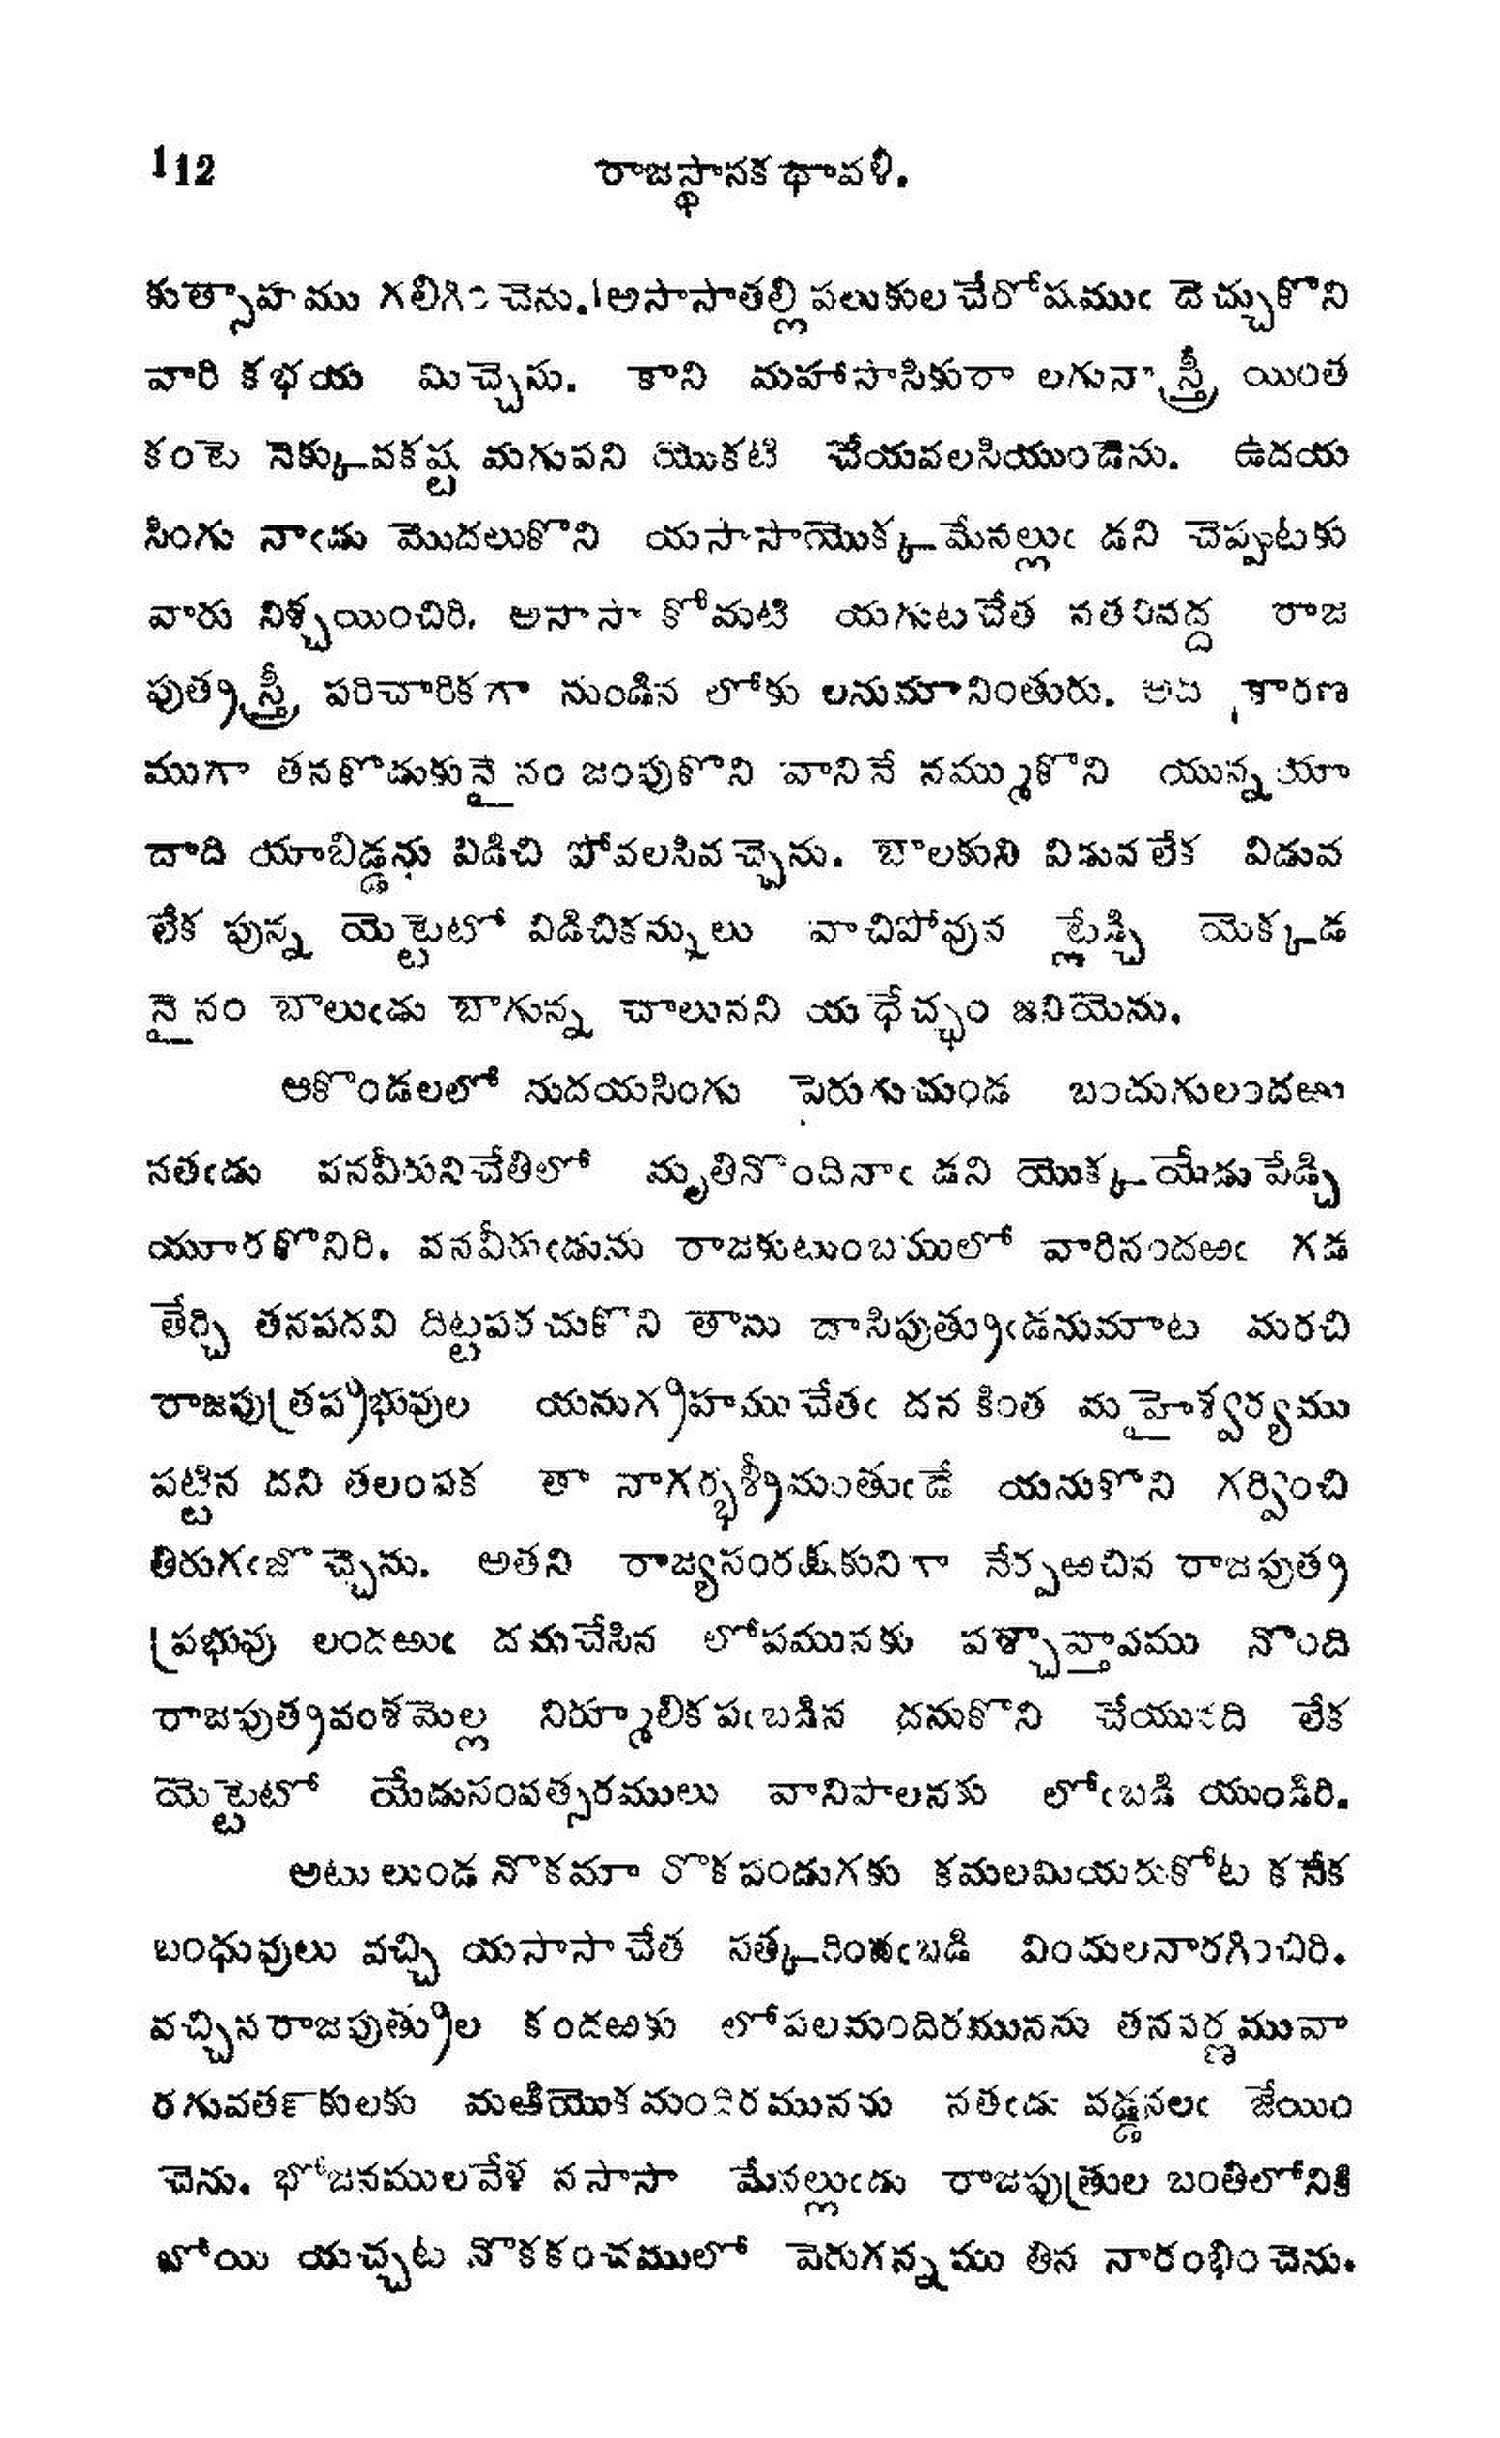కుత్సాహము గలిగించెను. అసాసాతల్లి పలుకులచే రోషముఁ దెచ్చుకొని వారి కభయ మిచ్చెను. కాని మహాసాసికురా లగునాస్త్రీ యింత
కంటే నెక్కువ కష్ట మగుపని యొకటి చేయవలసియుండెను. ఉదయసింగు నాఁడు మొదలుకొని యసాసాయొక్క మేనల్లుఁ డని చెప్పుటకు
వారు నిశ్చయించిరి. అసొసా కోమటి యగుట చేత నతనివద్ద రాజపుత్రస్త్రీ, పరిచారికగా నుండిన లోకు లనుమానింతురు. అది కారణ
ముగా తన కొడుకునై నం జంపుకొని వానినే నమ్ముకొని యున్నయా దాదీ యాబిడ్డను విడిచి పోవలసివచ్చెను. బాలకుని విడువలేక విడువ
లేక పున్న యెట్టెటో విడిచికన్నులు వాచిపోవున ట్లేడ్చి యెక్కడ నైనం బాలుఁడు బాగున్న చాలునని యధేచ్ఛం జనియెను.

ఆకొండలలో నుదయసింగు పెరుగు చుండ బందుగులందఱు నతఁడు వనవీరుని చేతిలో మృతినొందినాఁ డని యొక్క యేడు పేడ్చి
యూరకోనిరి. వనవీరుఁడును రాజకుటుంబములో వారినందఱఁ గడతేర్చి తనపదవి దిట్టపరచుకొని తాసు దాసిపుత్రుఁడనుమాట మరచి
రాజపుత్ర ప్రభువుల యనుగ్రహము చేతఁ దన కింత మహైశ్వర్యము పట్టిన దని తలంపక తా నాగర్భశ్రీమంతుఁడే యనుకొని గర్పించి
తిరుగఁజొచ్చెను. అతని రాజ్యసంరక్షుకునిగా నేర్పఱచిన రాజపుత్ర ప్రభువు లందఱుఁ దమచేసిన లోపమునకు పశ్చాత్తాపము నొంది
రాజపుత్ర వంశమెల్ల నిర్మూలిక పఁబడిన దనుకొని చేయునది లేక యెట్టెటో యేడుసంవత్సరములు వానిపాలనకు లోఁబడి యుండిరి.

అటులుండ నొకమా రొక పండుగకు కమలమియరుకోట కనేక బంధువులు వచ్చి యసాసా చేత సత్కరింపబడి విందులనారగించిరి.
వచ్చిన రాజపుత్రుల కందఱకు లోపల మందిరమునను తన వర్ణమువా రగువత౯కులకు మఱియొక మందిరమునను నతఁడు' వడ్డనలఁ జేయించెను. భోజనముల వేళ నసాసా మేనల్లుఁడు రాజపుత్రుల బంతిలోనికి బోయి యచ్చట నొకకంచములో పెరుగన్నము తిన నారంభించెను.